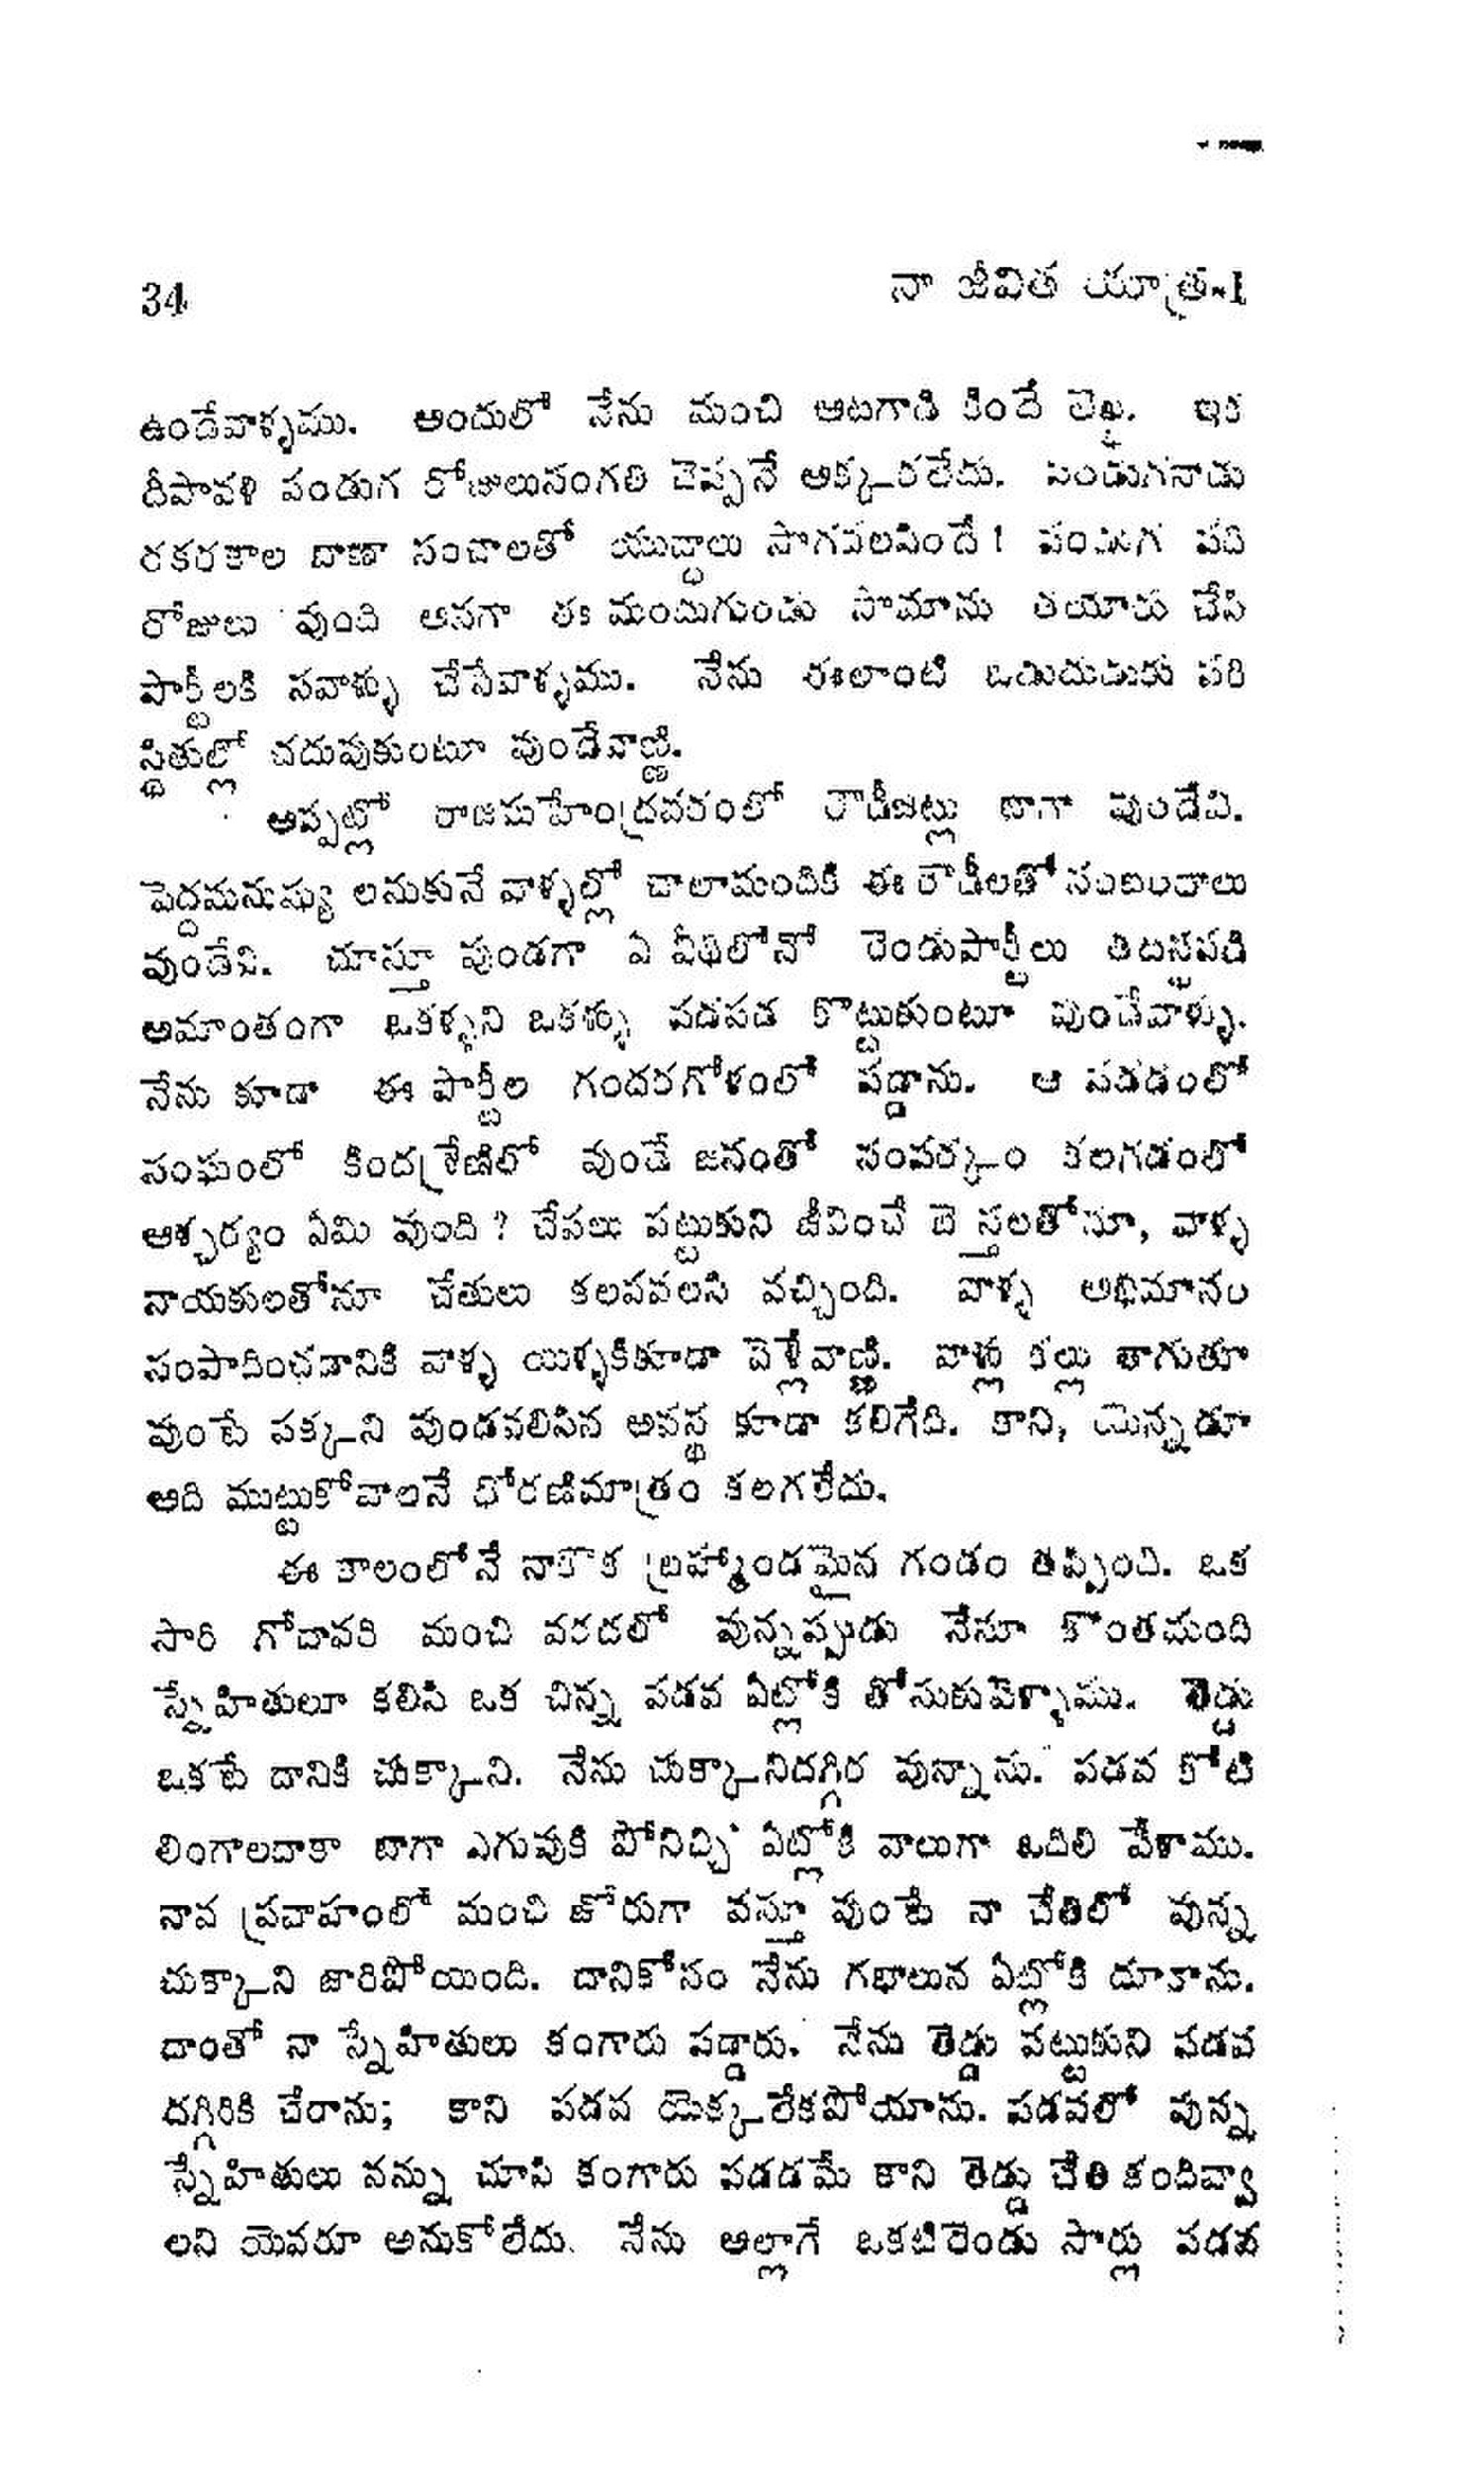ఉండేవాళ్ళము. అందులో నేను మంచి ఆటగాడి కిందే లెఖ్ఖ. ఇక దీపావళి పండుగ రోజులుసంగతి చెప్పనే అక్కరలేదు. పండుగనాడు రకరకాల బాణా సంచాలతో యుద్ధాలు సాగవలసిందే! పండుగ పది రోజులు వుంది అనగా ఈ మందుగుండు సామాను తయారు చేసి పార్టీలకి సవాళ్ళు చేసేవాళ్ళము. నేను ఈలాంటి ఒడుదుడుకు పరిస్థితుల్లో చదువుకుంటూ వుండేవాణ్ణి.

అప్పట్లో రాజమహేంద్రవరంలో రౌడీజట్లు బాగా వుండేవి. పెద్దమనుష్యు లనుకునే వాళ్ళల్లో చాలామందికి ఈ రౌడీలతో సంబందాలు వుండేవి. చూస్తూ వుండగా ఏ వీథిలోనో రెండుపార్టీలు తటస్థపడి అమాంతంగా ఒకళ్ళని ఒకళ్ళు పడపడ కొట్టుకొంటూ వుండేవాళ్ళు. నేను కూడా ఈ పార్టీల గందరగోళంలో పడ్డాను. ఆ పడడంలో సంఘంలో కిందశ్రేణిలో వుండే జనంతో సంపర్కం కలగడంలో ఆశ్చర్యం ఏమి వుంది? చేపలు పట్టుకుని జీవించే బెస్తలతోనూ, వాళ్ళ నాయకులతోనూ చేతులు కలపవలసి వచ్చింది. వాళ్ళ అభిమానం సంపాదించడానికి వాళ్ళ యిళ్ళకికూడా వెళ్లేవాణ్ణి. వాళ్లు కల్లు తాగుతూ వుంటే పక్కని వుండవలిసిన అవస్థ కూడా కలిగేది. కాని, యెన్నడూ అది ముట్టుకోవాలనే ధోరణిమాత్రం కలగలేదు.

ఈ కాలంలోనే నాకొక బ్రహ్మాండమైన గండం తప్పింది. ఒకసారి గోదావరి మంచి వరదలో వున్నప్పుడు నేనూ కొంతమంది స్నేహితులూ కలిసి ఒక చిన్న పడవ ఏట్లోకి తోసుకువెళ్ళాము. తెడ్డు ఒకటే దానికి చుక్కాని. నేను చుక్కానిదగ్గిర వున్నాను. పడవ కోటి లింగాలదాకా బాగా ఎగువుకి పోనిచ్చి ఏట్లోకి వాలుగా ఒదిలి వేశాము. నావ ప్రవాహంలో మంచి జోరుగా వస్తూ వుంటే నా చేతిలో వున్న చుక్కాని జారిపోయింది. దానికోసం నేను గభాలున ఏట్లోకి దూకాను. దాంతో నా స్నేహితులు కంగారు పడ్డారు. నేను తెడ్డు పట్టుకుని పడవ దగ్గిరకి చేరాను; కాని పడవ యెక్కలేకపోయాను. పడవలో వున్న స్నేహితులు నన్ను చూసి కంగారు పడడమే కాని తెడ్డు చేతి కందివ్వాలని యెవరూ అనుకోలేదు. నేను అల్లాగే ఒకటిరెండు సార్లు పడవ